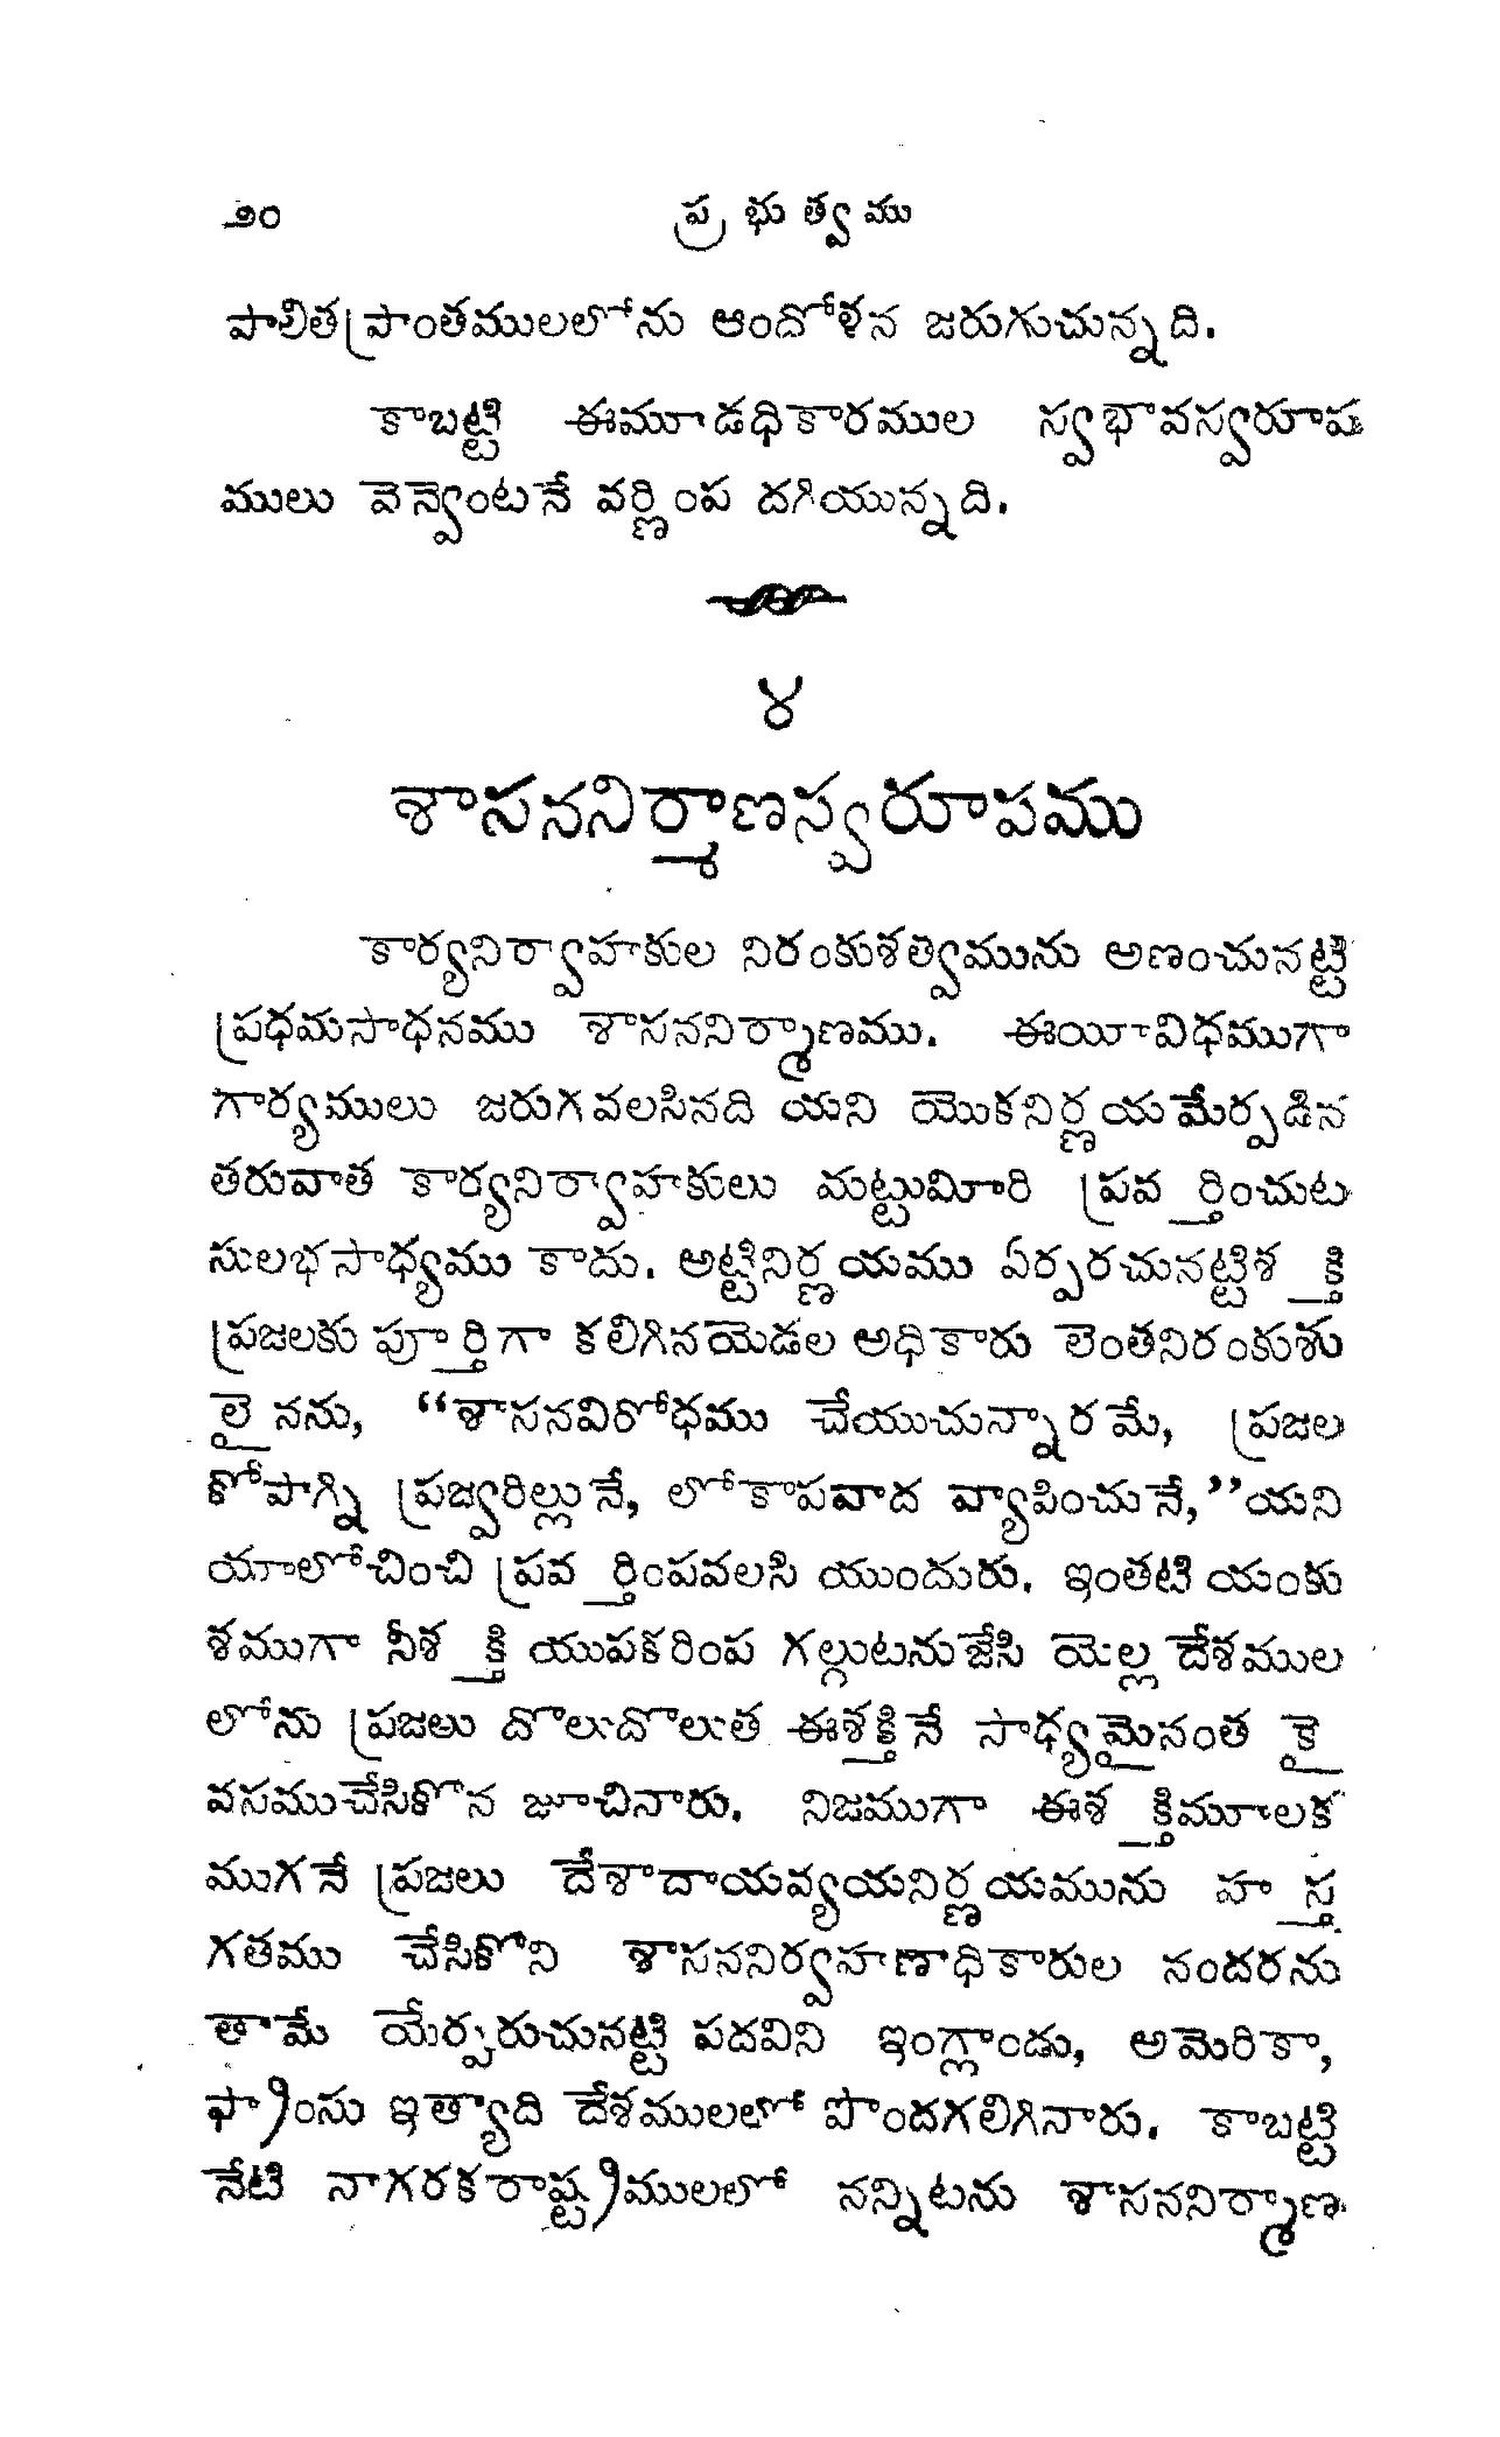పాలితప్రాంతములలోను ఆందోళన జరుగుచున్నది.

కాబట్టి ఈమూడధికారముల స్వభావస్వరూపములు వెన్వెంటనే వర్ణింప దగియున్నది.

__________

4
శాసననిర్మాణస్వరూపము

కార్యనిర్వాహకుల నిరంకుశత్వమును అణంచునట్టి ప్రధమసాధనము శాసననిర్మాణము. ఈయీ విధముగా గార్యములు జరుగవలసినది యని యొకనిర్ణయమేర్పడిన తరువాత కార్యనిర్వాహకులు మట్టుమీరి ప్రవర్తించుట సులభసాధ్యము కాదు. అట్టినిర్ణయము ఏర్పరచునట్టిశక్తి ప్రజలకు పూర్తిగా కలిగినయెడల అధికారు లెంతనిరంకుశులైనను, “శాసనవిరోధము చేయుచున్నారమే, ప్రజల కోపాగ్ని ప్రజ్వరిల్లునే, లోకాపవాద వ్యాపించునే, ”యని యాలోచించి ప్రవర్తింపవలసి యుందురు. ఇంతటి యంకుశముగా నీశక్తి యుపకరింప గల్గుటనుజేసి యెల్ల దేశములలోను ప్రజలు దొలుదొలుత ఈశక్తినే సాధ్యమైనంత కై వసముచేసికొన జూచినారు. నిజముగా ఈశక్తిమూలకముగనే ప్రజలు దేశాదాయవ్యయనిర్ణయమును హస్తగతము చేసికొని శాసననిర్వహణాధికారుల నందరను తామే యేర్పరుచునట్టి పదవిని ఇంగ్లాండు, అమెరికా, ఫ్రాంసు ఇత్యాది దేశములలో పొందగలిగినారు. కాబట్టి నేటి నాగరకరాష్ట్రములలో నన్నిటను శాసననిర్మాణ